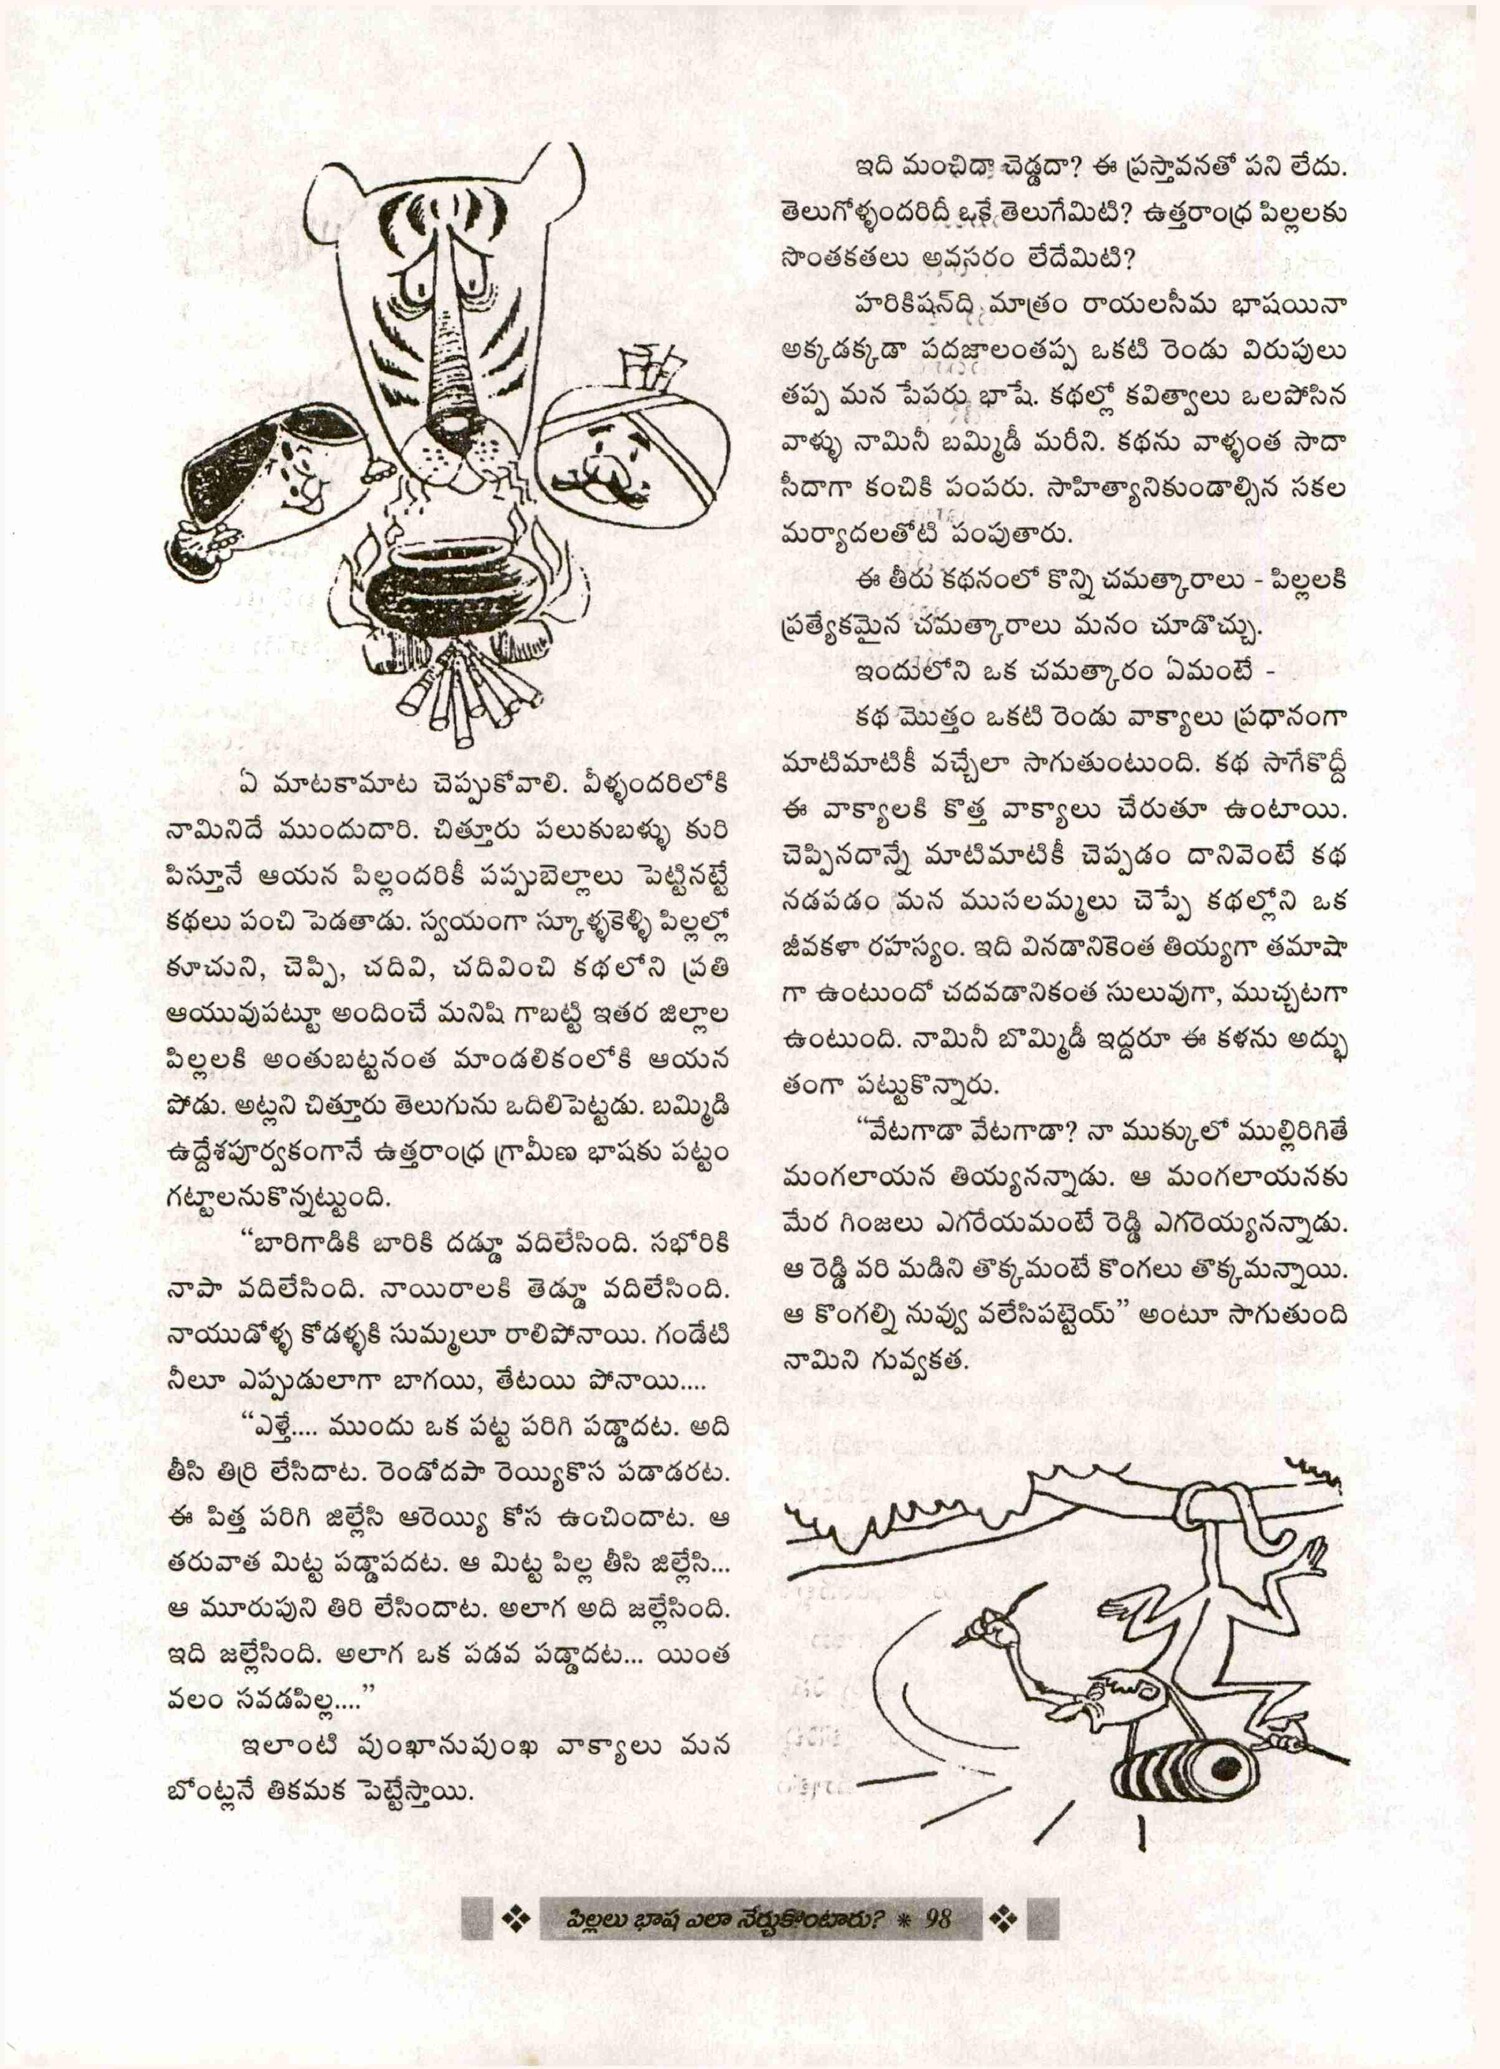ఏ మాటకామాట చెప్పుకోవాలి. వీళ్ళందరిలోకి నామినిదే ముందుదారి. చిత్తూరు పలుకుబళ్ళు కురిపిస్తూనే ఆయన పిల్లందరికీ పప్పుబెల్లాలు పెట్టినట్టే కథలు పంచి పెడతాడు. స్వయంగా స్కూళ్ళకెళ్ళి పిల్లల్లో కూచుని, చెప్పి, చదివి, చదివించి కథలోని ప్రతి ఆయువుపట్టూ అందించే మనిషి గాబట్టి ఇతర జిల్లాల పిల్లలకి అంతుబట్టనంత మాండలికంలోకి ఆయన పోడు. అట్లని చిత్తూరు తెలుగును ఒదిలిపెట్టడు. బమ్మిడి ఉద్దేశపూర్వకంగానే ఉత్తరాంధ్ర గ్రామీణ భాషకు పట్టం గట్టాలనుకొన్నట్టుంది.

"బారిగాడికి బారికి దడ్డూ వదిలేసింది. సభోరికి నాపా వదిలేసింది. నాయిరాలకి తెడ్డూ వదిలేసింది. నాయుడోళ్ళ కోడళ్ళకి సుమ్మలూ రాలిపోనాయి. గండేటి నీలూ ఎప్పుడులాగా బాగయి, తేటయి పోనాయి.....

“ఎళ్తే.... ముందు ఒక పట్ట పరిగి పడ్డాదట. అది తీసి తిర్రి లేసిదాట. రెండోదపా రెయ్యికోస పడాడరట. ఈ పిత్త పరిగి జిల్లేసి ఆరెయ్యి కోస ఉంచిందాట. ఆ తరువాత మిట్ట పడ్డాపదట. ఆ మిట్ట పిల్ల తీసి జిల్లేసి... ఆ మూరుపుని తిరి లేసిందాట. అలాగ అది జల్లేసింది. ఇది జల్లేసింది. అలాగ ఒక పడవ పడ్డాదట... యింత వలం సవడపిల్ల....”

ఇలాంటి పుంఖానుపుంఖ వాక్యాలు మన బోంట్లనే తికమక పెట్టేస్తాయి.

ఇది మంచిదా చెడ్డదా? ఈ ప్రస్తావనతో పని లేదు. తెలుగోళ్ళందరిదీ ఒకే తెలుగేమిటి? ఉత్తరాంధ్ర పిల్లలకు
సొంతకతలు అవసరం లేదేమిటి?

హరికిషన్‌ది మాత్రం రాయలసీమ భాషయినా అక్కడక్కడా పదజాలంతప్ప ఒకటి రెండు విరుపులు తప్ప మన పేపరు భాషే. కథల్లో కవిత్వాలు ఒలపోసిన వాళ్ళు నామినీ బమ్మిడీ మరీని. కథను వాళ్ళంత సాదాసీదాగా కంచికి పంపరు. సాహిత్యానికుండాల్సిన సకల మర్యాదలతోటి పంపుతారు.

ఈ తీరు కథనంలో కొన్ని చమత్కారాలు - పిల్లలకి ప్రత్యేకమైన చమత్కారాలు మనం చూడొచ్చు.

ఇందులోని ఒక చమత్కారం ఏమంటే -

కథ మొత్తం ఒకటి రెండు వాక్యాలు ప్రధానంగా మాటిమాటికీ వచ్చేలా సాగుతుంటుంది. కథ సాగేకొద్దీ ఈ వాక్యాలకి కొత్త వాక్యాలు చేరుతూ ఉంటాయి. చెప్పినదాన్నే మాటిమాటికీ చెప్పడం దానివెంటే కథ నడపడం మన ముసలమ్మలు చెప్పే కథల్లోని ఒక జీవకళా రహస్యం. ఇది వినడానికెంత తియ్యగా తమాషా గా ఉంటుందో చదవడానికంత సులువుగా, ముచ్చటగా ఉంటుంది. నామినీ బొమ్మిడీ ఇద్దరూ ఈ కళను అద్భుతంగా పట్టుకొన్నారు.

“వేటగాడా వేటగాడా? నా ముక్కులో ముల్లిరిగితే మంగలాయన తియ్యనన్నాడు. ఆ మంగలాయనకు మేర గింజలు ఎగరేయమంటే రెడ్డి ఎగరెయ్యనన్నాడు. ఆ రెడ్డి వరి మడిని తొక్కమంటే కొంగలు తొక్కమన్నాయి. ఆ కొంగల్ని నువ్వు వలేసిపట్టెయ్" అంటూ సాగుతుంది నామిని గువ్వకత.